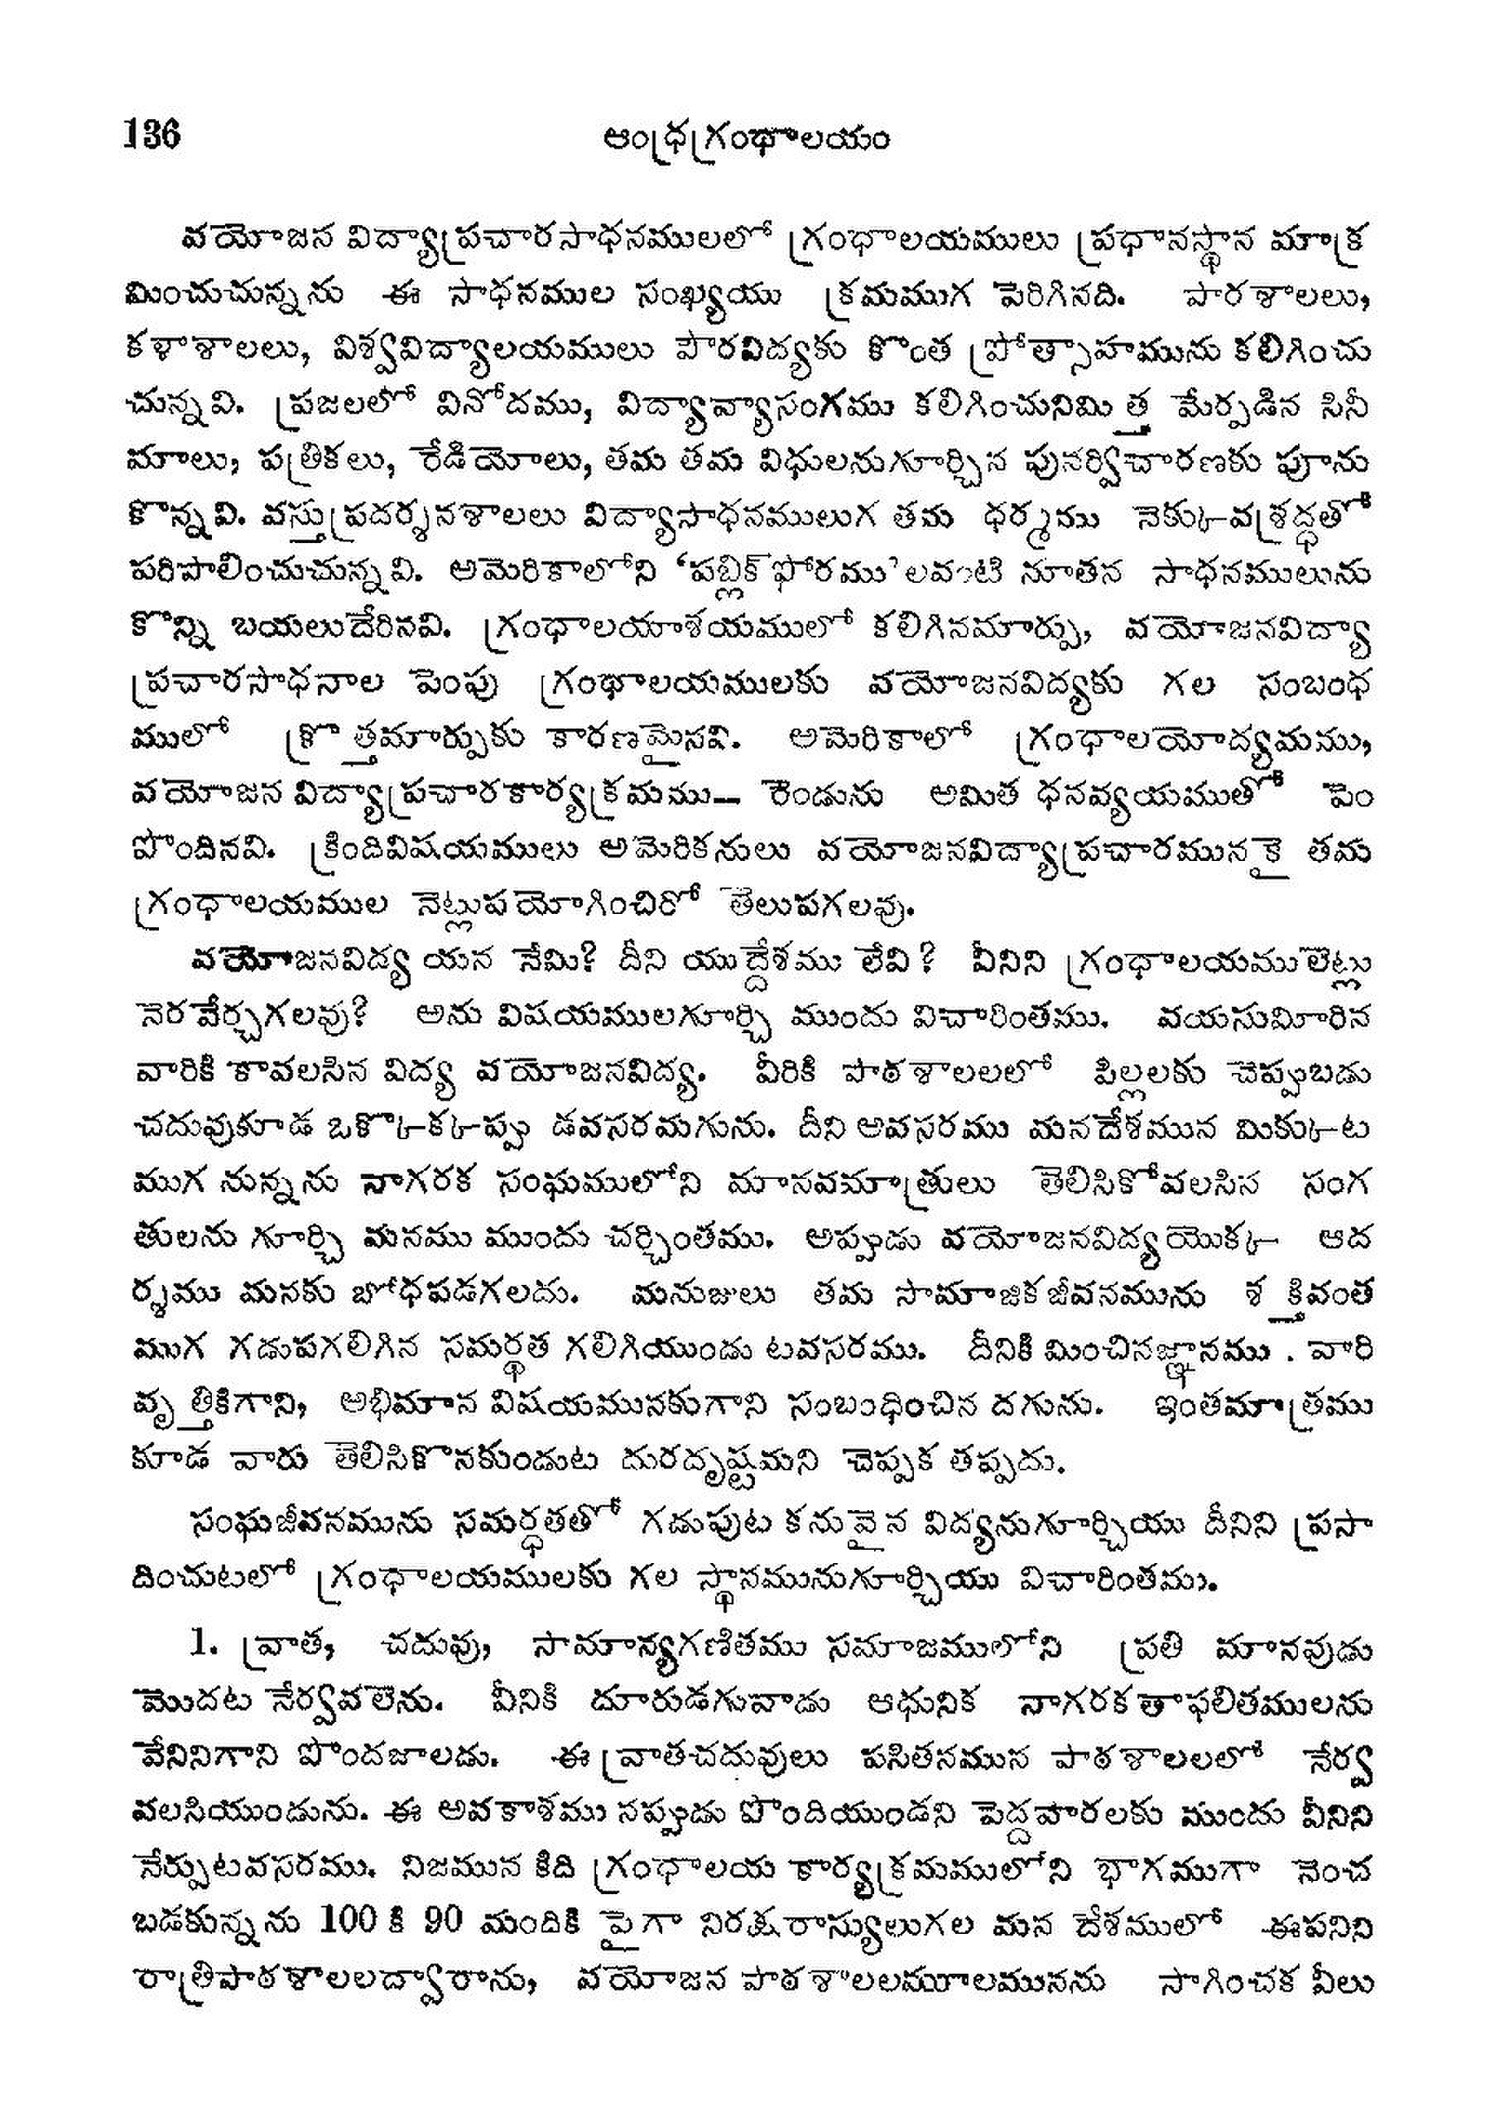పాఠశాలలు,
వయోజన విద్యాప్రచారసాధనములలో గ్రంధాలయములు ప్రధానస్థాన మాక్రమించుచున్నను, ఈ సాధనముల సంఖ్యయు 
క్రమముగ పెరిగినది. పాఠశాలలు,కళాశాలలు, విశ్వవిద్యాలయములు పౌరవిద్యకు కొంత ప్రోత్సాహమును కలిగించు
చున్నవి. ప్రజలలో వినోదము, విద్యావ్యాసంగము కలిగించునిమిత్త మేర్పడిన సినీమాలు, పత్రికలు, రేడియోలు, తమ తమ 
విధులను గూర్చిన పునర్విచారణకు పూనుకొన్నవి. వస్తుప్రదర్శనశాలలు విద్యాసాధనములుగ తమ ధర్మము నెక్కువశ్రద్ధతో
పరిపాలించుచున్నవి. అమెరికాలోని 'పబ్లిక్ ఫోరము'లవంటి నూతన సాధనములును కొన్ని బయలుదేరినవి. 
గ్రంధాలయాశయములో కలిగినమార్పు, వయోజనవిద్యాప్రచారసాధనాల పెంపు గ్రంథాలయములకు వయోజన విద్యకు గల 
సంబంధములో క్రొత్తమార్పుకు కారణమైనవి. అమెరికాలో గ్రంధాలయోద్యమము,వయోజన విద్యాప్రచారకార్యక్రమము - రెండును 
అమిత ధనవ్యయముతో పె౦పొందినవి. క్రిందివిషయములు అమెరికనులు వయోజనవిద్యాప్రచారమునకై తమ గ్రంధాలయముల నెట్లుపయోగించిరో తెలుపగలవు.

వయోజన విద్య యన నేమి? దీని యుద్దేశము లేవి ? వీనిని గ్రంథాలయము లెట్లునెరవేర్చగలవు? అను విషయముల గూర్చి 
ముందు విచారింతము. వయసుమీరినవారికి కావలసిన విద్య వయోజనవిద్య. వీరికి పాఠశాలలలో పిల్లలకు చెప్పుబడు
చదువుకూడ ఒక్కొక్కప్పుడవసరమగును. దీని అవసరము మనదేశమున మిక్కుటముగ నున్నను నాగరక సంఘములోని 
మానవమాత్రులు తెలిసికోవలసిన సంగతులను గూర్చి మనము ముందు చర్చింతము. అప్పుడు వయోజనవిద్య యొక్క 
ఆదర్శము మనకు బోధపడగలదు. మనుజులు తమ సామాజిక జీవనమును శక్తివంతముగ గడుపగలిగిన సమర్థత గలిగియుండు 
టవసరము. దీనికి మించిన జ్ఞానము, వారి వృత్తికిగాని, అభిమాన విషయమునకు గాని సంబంధించిన దగును. ఇంతమాత్రము
కూడ వారు తెలిసికొనకుండుట దురదృష్టమని చెప్పక తప్పదు.

సంఘజీవనమును సమర్ధతతో గడుపుట కనువైన విద్యను గూర్చియు దీనిని ప్రసాదించుటలో గ్రంధాలయములకు గల స్థానమును 
గూర్చియు విచారింతము.

1. వ్రాత, చదువు, సామాన్యగణితము సమాజములోని ప్రతి మానవుడు మొదట నేర్వవలెను. వీనికి దూరుడగువాడు ఆధునిక 
నాగరకతా ఫలితములను వేనినిగాని పొందజాలడు. ఈ వ్రాత చదువులు పసితనమున పాఠశాలలలో నేర్వవలసియుండును. 
ఈ అవకాశము నప్పుడు పొందియుండని పెద్దవారలకు ముందు వీనిని నేర్పుటవసరము. నిజమున కిది గ్రంథాలయ 
కార్యక్రమములోని భాగముగా నెంచబడకున్నను 100 కి 90 మందికి పైగా నిరక్షరాస్యులుగల మన దేశములో ఈ పనిని
రాత్రి పాఠశాలలద్వారాను, వయోజన పాఠశాలల మూలమునను సాగించక వీలు